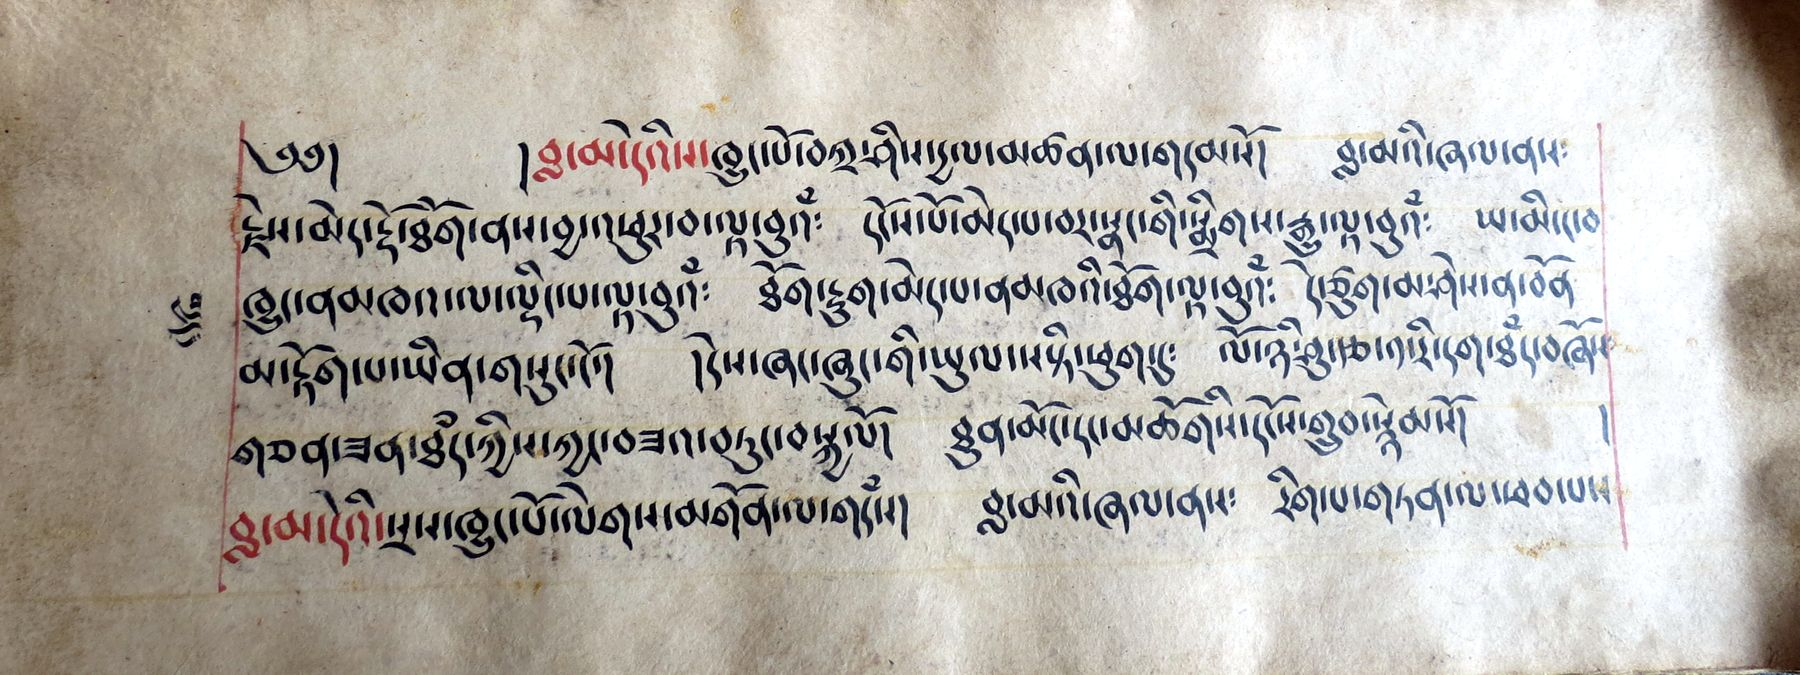བླ་མ་དེ་ཡིས་ཁྱུང་པོ་བཀྲ་ཤིས་རྒྱལ་མཚན་ལ་གདམས་སོ། བླ་མའི་ཞལ་ནས། 
རྗེས་མེད་རྡོ་ཐོག་ནས་བྱ་འཕུར་བ་ལྟ་བུའམ། དངོས་པོ་མེད་བར་སྣང་གི་སྨྲིགས་རྒྱུ་ལ་བུའི། ཡ་མིང་བ།
ཁྱུ་ནམ་མཁའ་ལ་ལྡིང་པ་ལ་བུའི། ཐོགས་རྡུགས་མེད་པ་ནམ་མཁའི་ཐོག་ལྟ་བུའམ། དེ་ཙུག་མ་ཤེས་ན་བོན་
མ་རྟོགས་པ་ཡིན་གསུངས་སོ། །དེས་ཞང་ཞུང་གི་ཡུལ་ས་ཏི་ཕུག་ཏུ། ལོ་ཉི་ཤུ་རྩ་གཅིག་ཏུ་རི་དྭགས་ཐམས་ཅད་བཞོས། 
གཅན་གཟན་ཐམས་ཅད་ཀྱིས་བཟའ་བཏུང་བསྐྱལ། མཆོག་དང་ཐུན་མོང་གི་དངོས་གྲུབ་བསྙེམས་སོ། །
བླ་མ་དེའི་སྲས་ཁྱུང་པོ་ལེགས་མགོན་ལ་གདམས། བླ་མའི་ཞལ་ནས། རིག་པ་གཏན་ལ་ཕབ་